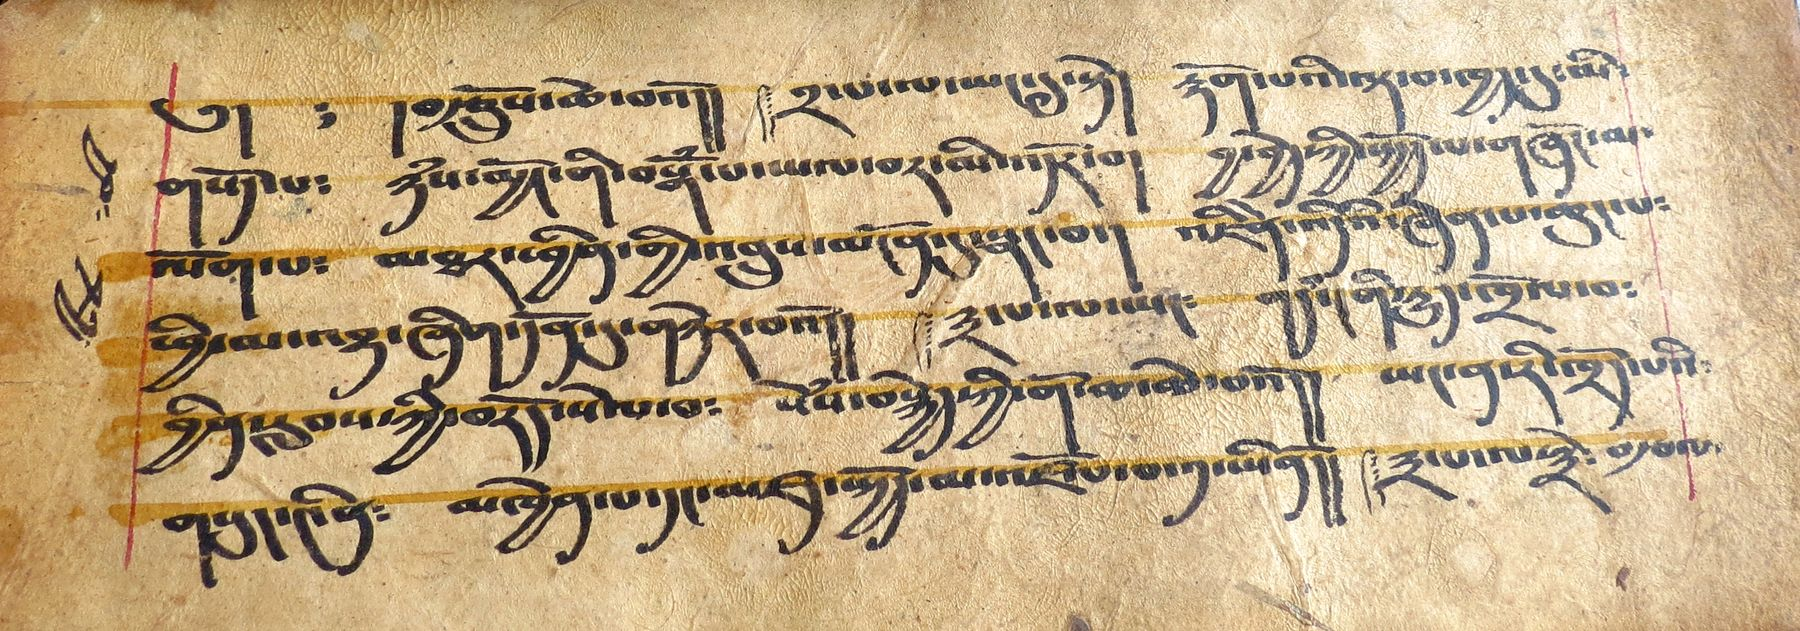བརྩོན་འགྲུས་ཆེ་བའོ། ། གཉིས་པ་ལ་ཡང་དྲུག་སྟེ། རྟོགས་པའི་ལྟ་བ་ཁྱད་དུ་མི་
གསོད་པ། ཉམས་མྱོང་གི་སྒོམ་པ་ཡལ་བར་མི་འདོར་བ། བྱ་བྱེད་ཀྱི་སྤྱོད་པ་གཞུང་མ་
ལོག་པ། མཐར་ཕྱིན་གྱི་འབྲས་བུ་མངོན་དུ་སྣང་བ། འཇིག་རྟེན་འདིར་ཞེན་པ་ཆུང་བ། 
ཕྱི་མ་འབའ་ཞིག་དོན་དུ་གཉེར་བའོ། ། གསུམ་པ་ལ་ཡང་། གདམས་ངག་གིས་རྒྱུད་ཁྲོལ་བ། 
བྱིན་རླབས་ཀྱིས་བར་ཆོད་སེལ་བ། སེམས་བསྐྱེད་ཀྱི་གོ་ཆ་ཆེ་བའོ། ཡང་ན་རི་ཁྲོད་པའི་
གསུང་བཞིན། མཁྱེན་པ་དང་མཛད་སྤྱོད་མ་འཛོལ་པ་ཞིག་ཡིན་ནོ། ། གསུམ་པ་ལ་གསུམ་སྟེ། བཙལ་